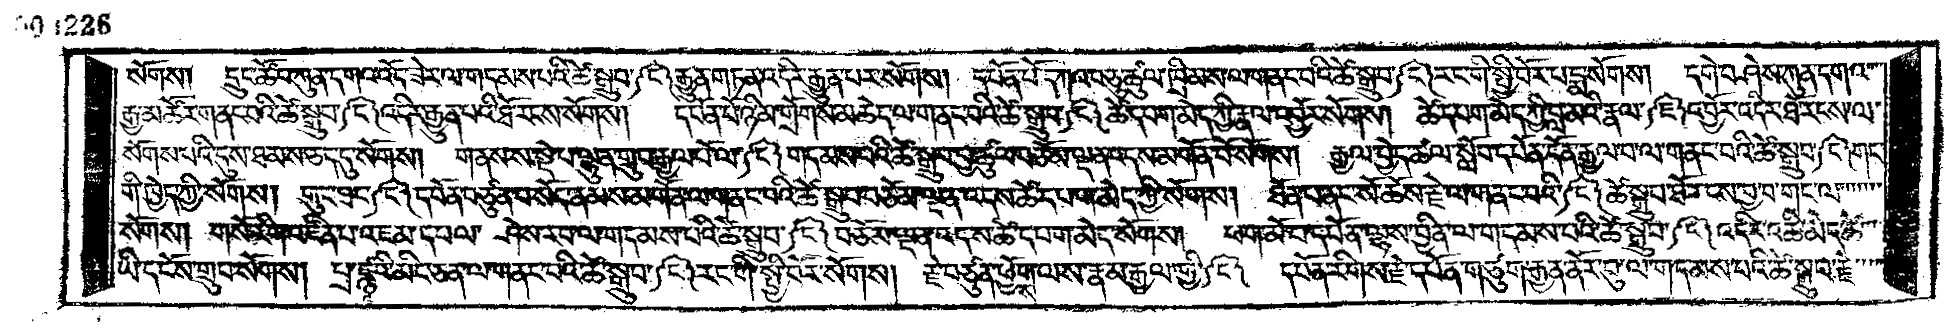སོགས། དྲུང་ཚོ་བ་ཀུན་དགའ་འོད་ཟེར་ལ་གདམས་པའི་ཚེ་སྒྲུབ ༼ང༽ རྒྱུན་གཏན་འདིར་རྒྱུན་པར་སོགས། དཔོན་པོ་དཀའ་བཅུ་ཚུལ་ཁྲིམས་ལ་གནང་བའི་ཚེ་སྒྲུབ ༼ང༽ རང་གི་སྤྱི་བོར་པདམ་སོགས། དགེ་བཤེས་ཀུན་དགའ་
རྒྱ་མཚོར་གནང་བའི་ཚེ་སྒྲུབ ༼ང༽ འདིར་རྒྱུན་པའི་ཐོ་རངས་སོགས། དཔོན་པོ་ཉི་མ་གྲོགས་མཆེད་ལ་གནང་བའི་ཚེ་སྒྲུབ ༼ང༽ ཚེ་དཔག་མེད་ཀྱི་རྣལ་འབྱོར་སོགས། ཚེ་དཔག་མེད་ཀྱི་བླ་མའི་རྣལ ༼ཇ༽ འབྱོར་འདིར་ཐོ་རངས་ལ་
སོགས་པའི་དུས་ཐམས་ཅད་དུ་སོགས། གནས་ས་སྡེ་པ་ལྷུན་གྲུབ་རྒྱལ་པོ་ལ ༼ང༽ གདམས་པའི་ཚེ་སྒྲུབ་བྱ་ཚུལ་བཅོམ་ལྡན་འདས་མགོན་པོ་སོགས། རྒྱལ་བྱེད་ཚལ་སློབ་དཔོན་དོན་རྒྱལ་བ་ལ་གནང་བའི་ཚེ་སྒྲུབ ༼ང༽ གང་
གི་ཁྱེད་ཀྱི་སོགས། གུང་ཐང ༼ང༽ དབོན་བཙུན་བསོད་ནམས་མགོན་ལ་གནང་བའི་ཚེ་སྒྲུབ་བཅོམ་ལྡན་འདས་ཚེ་དཔག་མེད་ཀྱི་སོགས། ཐོན་པ་ནང་སོ་ཆོས་རྗེ་ལ་གནང་བའི ༼ང༽ ཚེ་སྒྲུབ་ཐོ་རངས་བྱ་བ་གང་ལ་
སོགས། གསོ་རིག་འཛིན་པ་འཇམ་དཔལ་ཤེས་རབ་ལ་གདམས་པའི་ཚེ་སྒྲུབ ༼ང༽ བཅོམ་ལྡན་འདས་ཚེ་དཔག་མེད་སོགས། ཕག་མོ་བ་དཔོན་ལྷས་བྱིན་ལ་གདམས་པའི་ཚེ་སྒྲུབ ༼ང༽ འདིར་འཆི་མེད་ཚེ་
ཡི་དངོས་གྲུབ་སོགས། པྲ་ཛྙཱའི་མིང་ཅན་ལ་གནང་བའི་ཚེ་སྒྲུབ ༼ང༽ རང་གི་སྤྱི་བོར་སོགས། རྗེ་བཙུན་ཕྱོགས་ལས་རྣམ་རྒྱལ་གྱི ༼ང༽ དཔོན་རིགས་རྗེ་དཔོན་གཙུག་རྒྱན་ནོར་བུ་ལ་གདམས་པའི་ཚེ་སྒྲུབ་རྗེ་